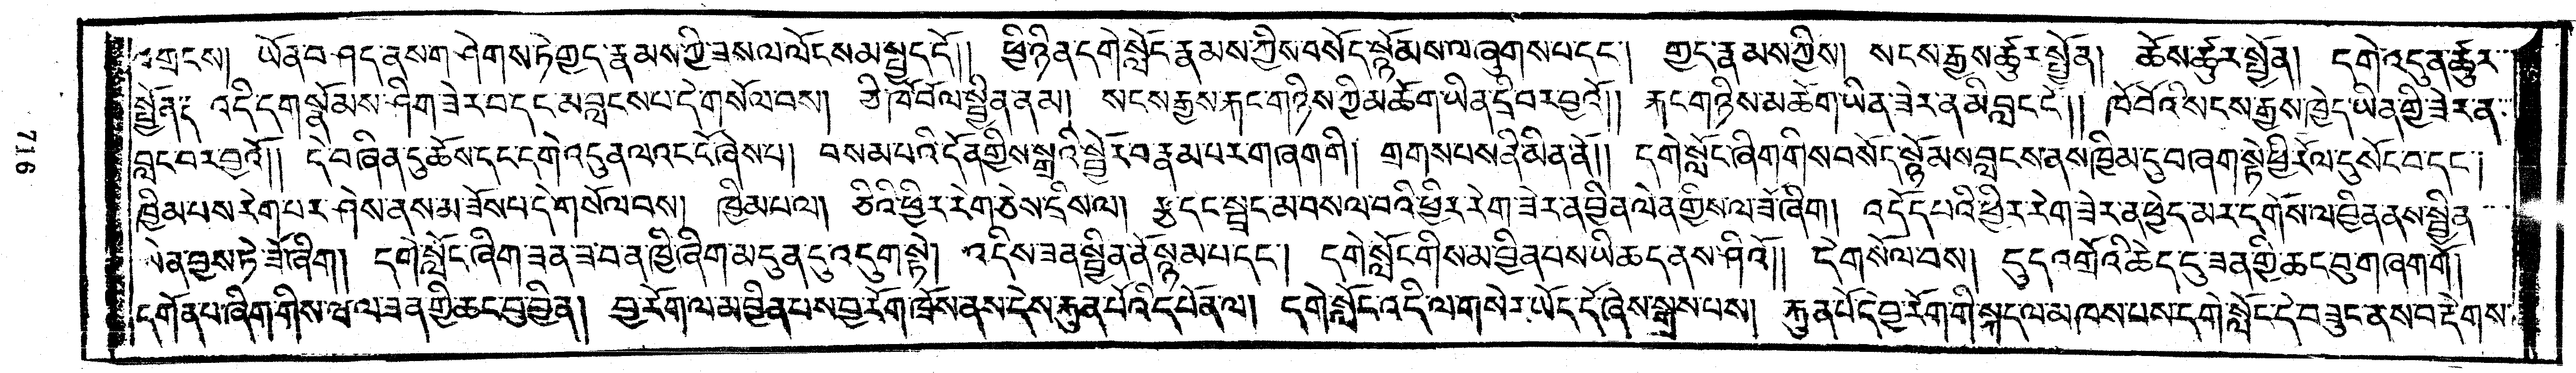འགྲངས། ཡོན་བཤད་ནས་གཤེགས་ཏེ་གྱད་རྣམས་ཀྱི་ཟས་ལ་ལོངས་མ་སྤྱད་དོ།། ཕྱི་ཉིན་དགེ་སློང་རྣམས་ཀྱིས་བསོད་སྙོམས་ལ་ཞུགས་པ་དང་། གྱད་རྣམས་ཀྱིས། སངས་རྒྱས་ཚུར་སྤྱོན། ཆོས་ཚུར་སྤྱོན། དགེ་འདུན་ཚུར་
སྤྱོན༑ འདི་དག་སྣོམས་ཤིག་ཟེར་བ་དང་མ་བླངས་པ་དེ་གསོལ་བས། ཅི་ཁོ་བོ་ལ་སྦྱིན་ནམ། སངས་རྒྱས་རྐང་གཉིས་ཀྱི་མཆོག་ཡིན་དྲི་བར་བྱའོ།། རྐང་གཉིས་མཆོག་ཡིན་ཟེར་ན་མི་བླང་ངོ།། ཁོ་བོའི་སངས་རྒྱས་ཁྱེད་ཡིན་གྱི་ཟེར་ན་
བླང་བར་བྱའོ།། དེ་བཞིན་དུ་ཆོས་དང་དགེ་འདུན་ལའང་ངོ་ཞེས་པ། བསམ་པའི་དོན་གྱིས་སྒྲའི་སྦྱོར་བ་རྣམ་པར་གཞག་གི། གྲགས་པས་ནི་མིན་ནོ།། དགེ་སློང་ཞིག་གིས་བསོད་སྙོམས་བླངས་ནས་ཁྱིམ་དུ་བཞག་སྟེ་ཕྱི་རོལ་དུ་སོང་བ་དང་།
ཁྱིམ་པས་རེག་པར་ཤེས་ནས་མ་ཟོས་པ་དེ་གསོལ་བས། ཁྱིམ་པ་ལ། ཅིའི་ཕྱིར་རེག་ཅེས་དྲིས་ལ། རྩ་དང་སྦྲང་མ་བསལ་བའི་ཕྱིར་རེག་ཟེར་ན་བྱིན་ལེན་གྱིས་ལ་ཟོ་ཞིག། འདོད་པའི་ཕྱིར་རེག་གཟེར་ན་ཕྱེད་མར་དགོས་ལ་བྱིན་ནས་སྦྱིན་
ལེན་བྱས་ཏེ་ཟོ་ཞིག། དགེ་སློང་ཞིག་ཟན་ཟ་བ་ན་ཁྱི་ཞིག་མདུན་དུ་འདུག་སྟེ། འདིས་ཟན་སྦྱིན་ནོ་སྙམ་པ་དང་། དགེ་སློང་གིས་མ་བྱིན་པས་ཡི་ཆད་ནས་ཤིའོ།། དེ་གསོལ་བས། དུད་འགྲོའི་ཆེད་དུ་ཟན་གྱི་ཆང་བུ་གཞག་གོ།
དགོན་པ་ཞིག་གིས་ཝལ་ཟན་གྱི་ཆང་བུ་བྱིན། བྱ་རོག་ལ་མ་བྱིན་པས་བྱ་རོག་ཁྲོས་ནས་དེས་རྐུན་པོའི་དཔོན་ལ། དགེ་སློང་འདི་ལ་གསེར་ཡོད་དོ་ཞེས་སྒྲས་པས། རྐུན་པོ་དེ་བྱ་རོག་གི་སྐད་ལ་མཁས་པས་དགེ་སློང་དེ་བཟུང་ནས་བརྡེགས་